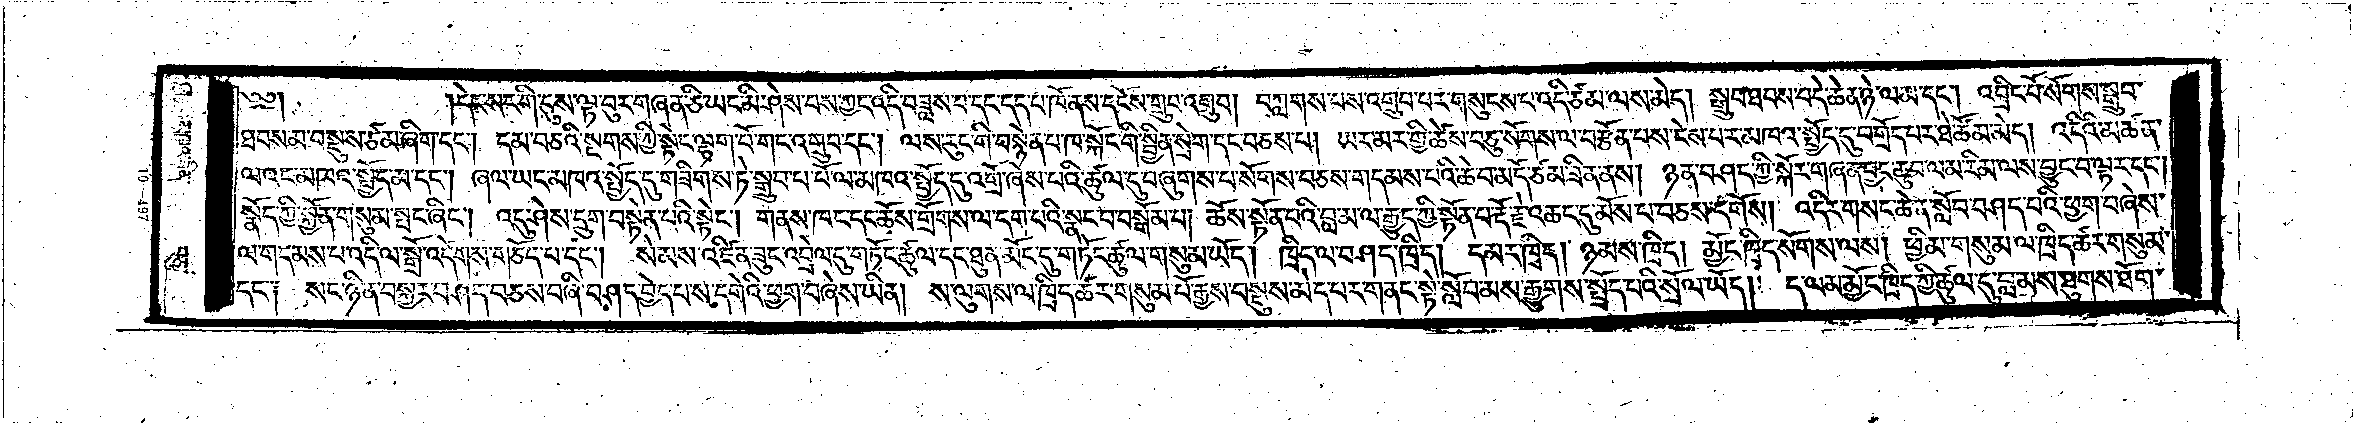༄༅། །དེང་སང་གི་དུས་ལྟ་བུར་གཞན་ཅི་ཡང་མི་ཤེས་པས་ཀྱང་འདི་བཟླས་པ་དང་དད་པ་ཁོ་ནས་དངོས་གྲུབ་འགྲུབ། བཀླགས་པས་འགྲུབ་པར་གསུངས་པ་འདི་ཙམ་ལས་མེད། སྒྲུབ་ཐབས་བདེ་ཆེན་ཉེ་ལམ་དང་། འབྲིང་པོ་སོགས་སྒྲུབ་
ཐབས་མ་བསྡུས་ཙམ་ཞིག་དང་། དམ་བཅའི་སྔགས་ཀྱི་སྟེང་ལྷག་པོ་གང་འགྲུབ་དང་། ལས་རུང་གི་བསྙེན་པ་ཁ་སྐོང་གི་སྤྱིན་སྲེག་དང་བཅས་པ། ཡར་མར་གྱི་ཚེས་བཅུ་སོགས་ལ་བརྩོན་པས་ངེས་པར་མཁའ་སྤྱོད་དུ་བགྲོད་པར་ཐེ་ཚོམ་མེད། འདིའི་མཚན་
ལའང་མཁའ་སྤྱོད་མ་དང་། ཞལ་ཡང་མཁའ་སྤྱོད་དུ་གཟིགས་ཏེ་སྒྲུབ་པ་པོ་ལ་མཁའ་སྤྱོད་དུ་འགྲོ་ཞེས་པའི་ཚུལ་དུ་བཞུགས་པ་སོགས་བཅས་གདམས་པའི་ཆེ་བ་མདོ་ཙམ་ཟིན་ནས། ཉན་བཤད་ཀྱི་སྐོར་གཞན་བྱང་ཆུབ་ལམ་རིམ་ལས་བྱུང་བ་ལྟར་དང་།
སྣོད་ཀྱི་སྐྱོན་གསུམ་སྤང་ཞིང་། འདུ་ཤེས་དྲུག་བསྟེན་པའི་སྟེང་། གནས་ཁང་དང་ཆོས་གྲོགས་ལ་དག་པའི་སྣང་བ་བསྒོམ་པ། ཆོས་སྟོན་པའི་བླ་མ་ལ་རྒྱུད་ཀྱི་སྟོན་པ་རྡོ་རྗེ་འཆང་དུ་མོས་པ་བཅས་དགོས། འདིར་གསང་ཆེན་སློབ་བཤད་པའི་ཕྱག་བཞེས་
ལ་གདམས་པ་འདི་ལ་སྒྲོ་འདོགས་གཅོད་པ་དང་། སེམས་འཛིན་ཟུང་འབྲེལ་དུ་གཏོང་ཚུལ་དང་ཐུན་མོང་དུ་གཏོང་ཚུལ་གསུམ་ཡོད། ཁྲིད་ལ་བཤད་ཁྲིད། དམར་ཁྲིད། ཉམས་ཁྲིད། མྱོང་ཁྲིད་སོགས་ལས། ཕྱི་མ་གསུམ་ལ་ཁྲིད་ཚར་གསུམ་
དང༑ སང་ཉིན་བསྐྱར་